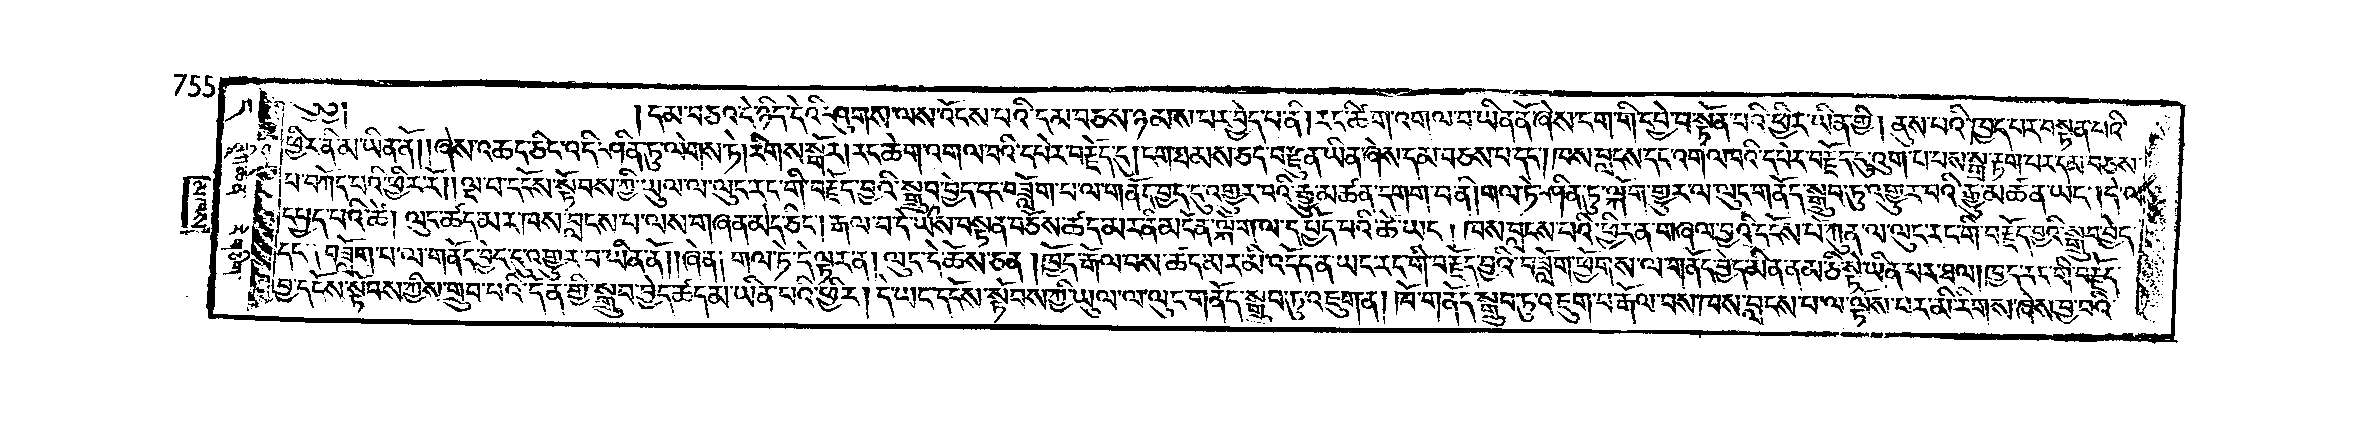༄༅། །དམ་བཅའ་དེ་ཉིད་དེའི་ཤུགས་ལས་འོངས་པའི་དམ་བཅས་ཉམས་པར་བྱེད་པ་ནི། རང་ཚིག་འགལ་བ་ཡིན་ནོ་ཞེས་ངག་གི་དབྱེ་བ་སྟོན་པའི་ཕྱིར་ཡིན་གྱི། ནུས་པའི་ཁྱད་པར་བསྟན་པའི་
ཕྱིར་ནི་མ་ཡིན་ནོ། །ཞེས་འཆད་ཅིང་འདི་ཤིན་ཏུ་ལེགས་ཏེ། རིགས་སྒོར། རང་ཚིག་འགལ་བའི་དཔེར་བརྗོད་དུ། ངག་ཐམས་ཅད་བརྫུན་ཡིན་ཞེས་དམ་བཅས་པ་དང་། ཁས་བླངས་དང་འགལ་བའི་དཔེར་བརྗོད་དུ་འུག་པ་པས་སྒྲ་རྟག་པར་དམ་བཅས་
པ་བཀོད་པའི་ཕྱིར་རོ། །ལྔ་བ་དངོས་སྟོབས་ཀྱི་ཡུལ་ལ་ལུང་རང་གི་བརྗོད་བྱའི་སྒྲུབ་བྱེད་དང་བཟློག་པ་ལ་གནོད་བྱེད་དུ་འགྱུར་བའི་རྒྱུ་མཚན་དགག་པ་ནི། གལ་ཏེ་ཤིན་ཏུ་ལྐོག་གྱུར་ལ་ལུང་གནོད་སྒྲུབ་ཏུ་འགྱུར་བའི་རྒྱུ་མཚན་ཡང་། དེ་ལ་
དཔྱད་པའི་ཚེ། ལུང་ཚད་མར་ཁས་བླངས་པ་ལས་གཞན་མེད་ཅིང་། རྒོལ་བ་དེ་ཡིས་བསྟན་བཅོས་ཚད་མར་ནི་མངོན་ལྐོག་ལ་དཔྱོད་པའི་ཚེ་ཡང་། ཁས་བླངས་པའི་ཕྱིར་ན་གཞལ་བྱའི་དངོས་པོ་ཀུན་ལ་ལུང་རང་གི་བརྗོད་བྱའི་སྒྲུབ་བྱེད་
དང་། བཟློག་པ་ལ་གནོད་བྱེད་དུ་འགྱུར་བ་ཡིན་ནོ། །ཞེ་ན། གལ་ཏེ་དེ་ལྟར་ན་། ལུང་དེ་ཆོས་ཅན། ཁྱོད་རྒོལ་བས་ཚད་མར་མི་འདོད་ན་ཡང་རང་གི་བརྗོད་བྱའི་བཟློག་ཕྱོགས་ལ་གནོད་བྱེད་མིན་ནམ་ཅི་སྟེ་ཡིན་པར་ཐལ། ཁྱེད་རང་གི་བརྗོད་
བྱ་དངོས་སྟོབས་ཀྱིས་གྲུབ་པའི་དོན་གྱི་སྒྲུབ་བྱེད་ཚད་མ་ཡིན་པའི་ཕྱིར། དེ་ཡང་དངོས་སྟོབས་ཀྱི་ཡུལ་ལ་ལུང་གནོད་སྒྲུབ་ཏུ་འཇུག་ན། ཁོ་གནོད་སྒྲུབ་ཏུ་འཇུག་པ་རྒོལ་བས་ཁས་བླངས་པ་ལ་ལྟོས་པར་མི་རིགས་ཞེས་བྱ་བའི་